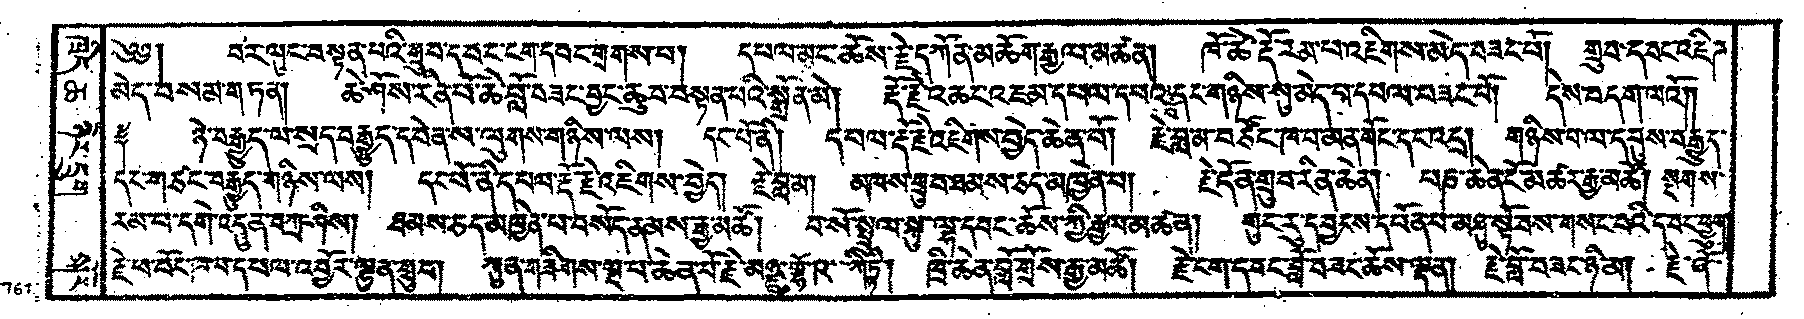༄༅། །བར་ལུང་བསྟན་པའི་གྲུབ་དབང་ངག་དབང་གྲགས་པ། དཔལ་མང་ཆོས་རྗེ་དཀོན་མཆོག་རྒྱལ་མཚན། ཁོ་ཚེ་རྡོ་རམ་པ་འཇིགས་མེད་བཟང་པོ། གྲུབ་དབང་འཇིགས་
མེད་བསམ་གཏན། ཆེ་ཤོས་རིན་པོ་ཆེ་བློ་བཟང་བྱང་ཆུབ་བསྟན་པའི་སྒྲོན་མེ། རྡོ་རྗེ་འཆང་འཇམ་དཔལ་དཔའ་བོ་དང་གཉིས་སུ་མེད་པ་དཔལ་བཟང་པོ། དེས་བདག་ལའོ།།
༈ ཉེ་བརྒྱུད་ལ་སྲད་བརྒྱུད་དབེན་ས་ལུགས་གཉིས་ལས། དང་པོ་ནི། དཔལ་རྡོ་རྗེ་འཇིགས་བྱེད་ཆེན་པོ། རྗེ་བླ་མ་བཙོང་ཁ་པ་མན་གོང་དང་འདྲ། གཉིས་པ་ལ་དབུས་བརྒྱུད་
དང་གཙང་བརྒྱུད་གཉིས་ལས། དང་པོ་ནི་དཔལ་རྡོ་རྗེ་འཇིགས་བྱེད། རྗེ་བླ་མ། མཁས་གྲུབ་ཐམས་ཅད་མཁྱེན་པ། རྗེ་དོན་གྲུབ་རིན་ཆེན། པཎ་ཆེན་ངོ་མཚར་རྒྱ་མཚོ། སྔགས་
རམ་པ་དགེ་འདུན་བཀྲ་ཤིས། ཐམས་ཅད་མཁྱེན་པ་བསོད་ནམས་རྒྱ་མཚོ། བ་སོ་སྤྲུལ་སྐུ་ལྷ་དབང་ཆོས་ཀྱི་རྒྱལ་མཚན། གུང་རུ་དབྱངས་དཔོན་པ་མཐུ་སྟོབས་གསང་བའི་དབང་ཕྱུག་
རྗེ་ཕ་བོང་ཁ་པ་དཔལ་འབྱོར་ལྷུན་གྲུབ། ཀུན་གཟིགས་ལྔ་པ་ཆེན་པོ་རྗེ་མཉྫུ་གྷོ་ཥ་ཀིཏྟི། ཁྲི་ཆེན་བློ་གྲོས་རྒྱ་མཚོ། རྗེ་ངག་དབང་བློ་བཟང་ཆོས་ལྡན། རྗེ་བློ་བཟང་ཉི་མ། རྗེ་ཞོ་